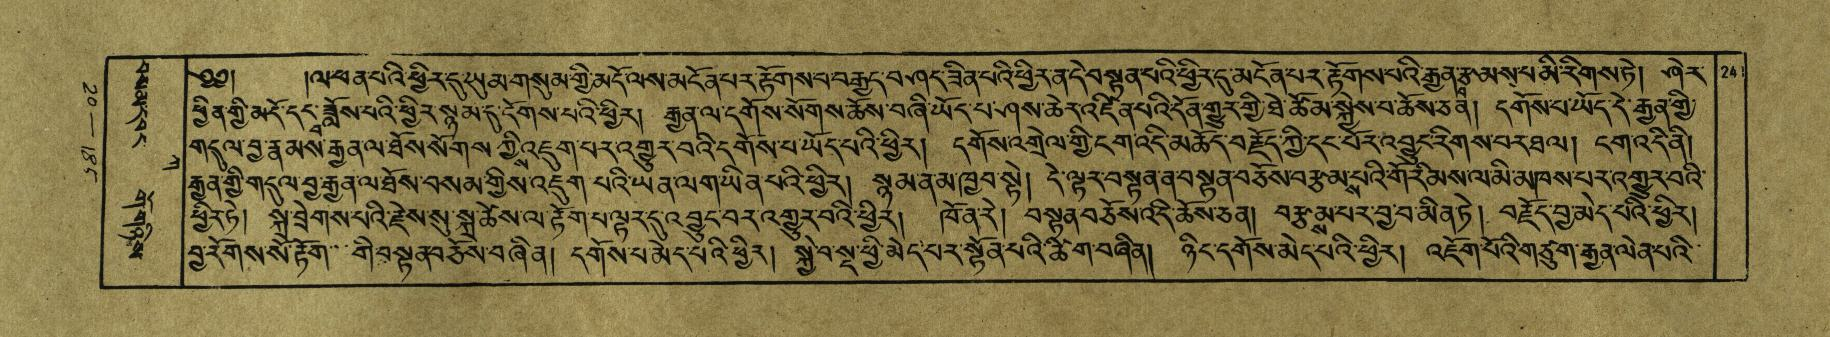༄༅། །ལ་ཕན་པའི་ཕྱིར་དུ་ཡུམ་གསུམ་གྱི་མདོ་ལས་མངོན་པར་རྟོགས་པ་བརྒྱད་བཤད་ཟིན་པའི་ཕྱིར་ན་དེ་བསྟན་པའི་ཕྱིར་དུ་མངོན་པར་རྟོགས་པའི་རྒྱན་བརྩམས་པ་མི་རིགས་ཏེ། ཤེར་
ཕྱིན་གྱི་མདོ་དང་བཟློས་པའི་ཕྱིར་སྙམ་དུ་དོགས་པའི་ཕྱིར། རྒྱན་ལ་དགོས་སོགས་ཆོས་བཞི་ཡོད་པ་ཤས་ཆེར་འཛིན་པའི་དོན་གྱུར་གྱི་ཐེ་ཚོམ་སྐྱེས་པ་ཆོས་ཅན། དགོས་པ་ཡོད་དེ་རྒྱན་གྱི་
གདུལ་བྱ་རྣམས་རྒྱན་ལ་ཐོས་སོགས་ཀྱིས་འཇུག་པར་འགྱུར་བའི་དགོས་པ་ཡོད་པའི་ཕྱིར། དགོས་འགྲེལ་གྱི་ངག་འདི་མཆོད་བརྗོད་ཀྱི་དང་པོར་འབྱུང་རིགས་པར་ཐལ། ངག་འདི་ནི།
རྒྱན་གྱི་གདུལ་བྱ་རྒྱན་ལ་ཐོས་བསམ་གྱིས་འཇུག་པའི་ཡན་ལག་ཡིན་པའི་ཕྱིར། སྙམ་ན་མ་ཁྱབ་སྟེ། དེ་ལྟར་བསྟན་ན་བསྟན་བཅོས་བརྩམས་པའི་གོ་རིམས་ལ་མི་མཁས་པར་འགྱུར་བའི་
ཕྱིར་ཏེ། སྐྲ་བྲེགས་པའི་རྗེས་སུ་སྐྲ་ཚེས་ལ་རྟོག་པ་ལྟར་དུ་འབྱུང་བར་འགྱུར་བའི་ཕྱིར། ཁོ་ན་རེ། བསྟན་བཅོས་འདི་ཆོས་ཅན། བརྩམས་པར་བྱ་བ་མིན་ཏེ། བརྗོད་བྱ་མེད་པའི་ཕྱིར།
བྱ་རོགས་སོ་རྟོག་གི་བསྟན་བཅོས་བཞིན། དགོས་པ་མེད་པའི་ཕྱིར། སྐྱེ་བ་སྔ་ཕྱི་མེད་པར་སྟོན་པའི་ཚིག་བཞིན། ཉིང་དགོས་མེད་པའི་ཕྱིར། འཇོག་པོའི་གཙུག་རྒྱན་ལེན་པའི་